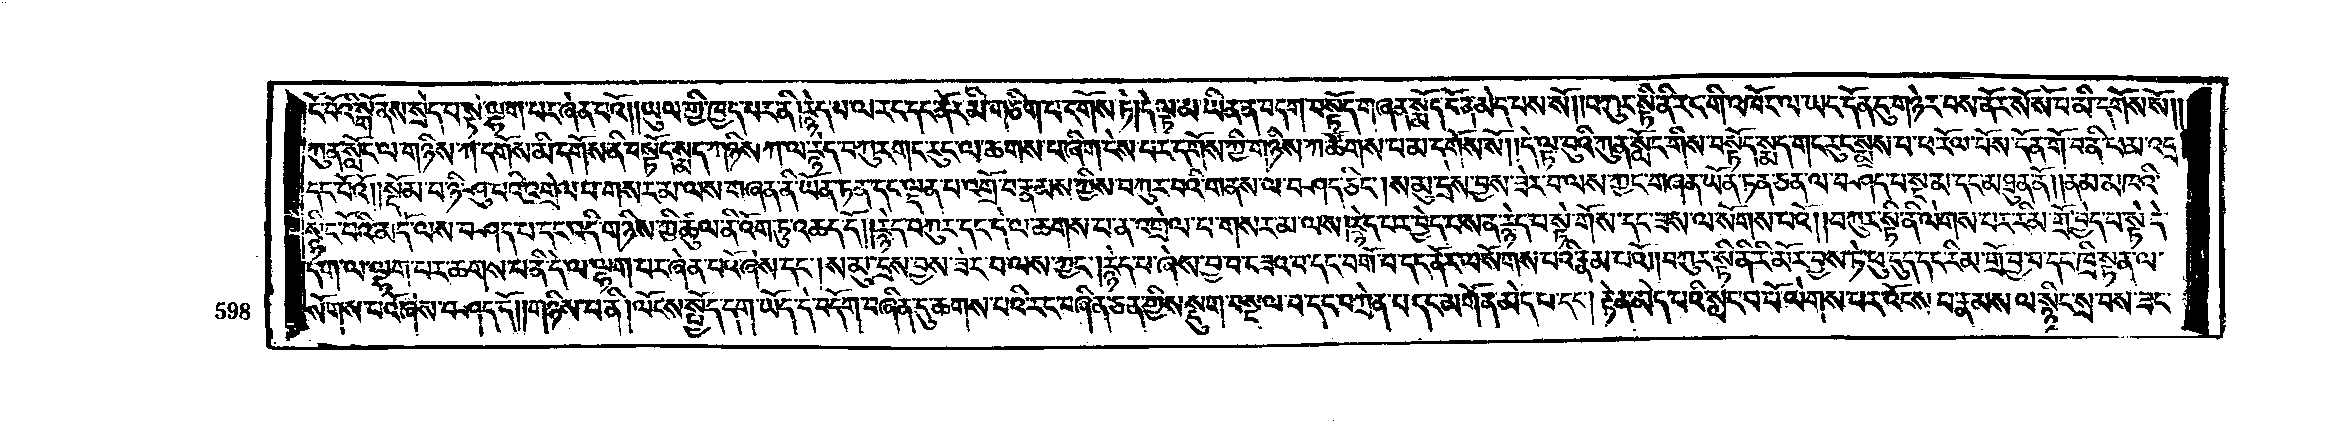ངོ་བོའི་སྒོ་ནས་སྲེད་པ་སྟེ་ལྷག་པར་ཞེན་པའོ། །ཡུལ་གྱི་ཁྱད་པར་ནི། རྙེད་པ་ལ་རང་དང་ནོར་མི་གཅིག་པ་དགོས་ཏེ། དེ་ལྟ་མ་ཡིན་ན་བདག་བསྟོད་གཞན་སྨོད་དོན་མེད་པས་སོ། །བཀུར་སྟི་ནི་རང་གི་འཁོར་ལ་ཡང་དོན་དུ་གཉེར་བས་ནོར་སོ་སོ་པ་མི་དགོས་སོ། །
ཀུན་སློང་ལ་གཉིས་ཀ་དགོས་མི་དགོས་ནི་བསྟོད་སྨད་ཀ་ཉིས་ཀ་ལ་རྙེད་བཀུར་གང་རུང་ལ་ཆགས་པ་ཞིག་ངེས་པར་དགོས་ཀྱི་གཉིས་ཀ་ཚོགས་པ་མ་དགོས་སོ། །དེ་ལྟ་བུའི་ཀུན་སློང་གིས་བསྟོད་སྨད་གང་རུང་སྨྲས་པ་ཕ་རོལ་པོས་དོན་གོ་བ་ནི་ཕམ་འདྲ་
དང་པོའོ། །སྡོམ་པ་ཉི་ཤུ་པའི་འགྲེལ་པ་གསར་མ་ལས་གཞན་ནི་ཡོན་ཏན་དང་ལྡན་པ་འགྲོ་བ་རྣམས་ཀྱིས་བཀུར་བའི་གནས་ལ་བཤད་ཅིང་། ས་མུ་དྲས་བྱས་ཟེར་བ་ལས་ཀྱང་གཞན་ཡོན་ཏན་ཅན་ལ་བཤད་པ་སྔ་མ་དང་མཐུན་ནོ། །ནམ་མཁའི་
སྙིང་པོའི་མདོ་ལས་བཤད་པ་དང་འདི་གཉིས་ཀྱི་ཚུལ་ནི་འོག་ཏུ་འཆད་དོ། །རྙེད་བཀུར་དང་དེ་ལ་ཆགས་པ་ན་འགྲེལ་པ་གསར་མ་ལས། རྙེད་པར་བྱེད་པས་ན་རྙེད་པ་སྟེ་གོས་དང་ཟས་ལ་སོགས་པའོ། །བཀུར་སྟི་ནི་ལེགས་པར་རིམ་གྲོ་བྱེད་པ་སྟེ་དེ་
དག་ལ་ལྷག་པར་ཆགས་པ་ནི་དེ་ལ་ལྷག་པར་ཞེན་པའོ་ཞེས་དང་། ས་མུ་དྲས་བྱས་ཟེར་བ་ལས་ཀྱང་། རྙེད་པ་ཞེས་བྱ་བ་བཟའ་བ་དང་བགོ་བ་དང་ནོར་ལ་སོགས་པའི་རྣམ་པའོ། །བཀུར་སྟི་ནི་རི་མོར་བྱས་ཏེ་ཕུ་དུད་དང་རིམ་གྲོ་བྱ་བ་དང་ཁྲི་སྟན་ལ་
སོགས་པའོ་ཞེས་བཤད་དོ། །གཉིས་པ་ནི། ལོངས་སྤྱོད་དག་ཡོད་དེ་བདོག་བཞིན་དུ་ཆགས་པའི་རང་བཞིན་ཅན་གྱིས་སྡུག་བསྔལ་བ་དང་བཀྲེན་པ་དང་མགོན་མེད་པ་དང་། རྟེན་མེད་པའི་སླང་བ་པོ་ལེགས་པར་འོངས་པ་རྣམས་ལ་སྙིང་སྲ་བས་ཟང་